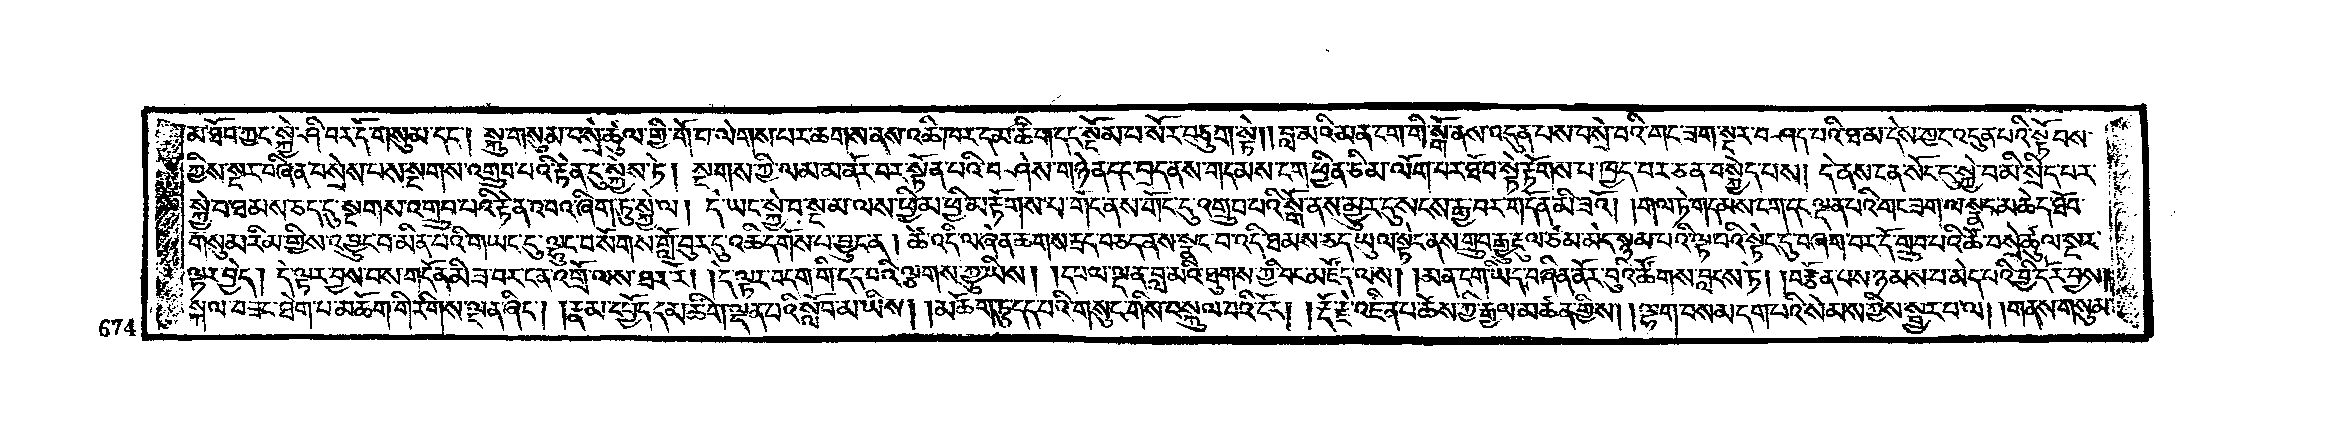མ་ཐོབ་ཀྱང་སྐྱེ་ཤི་བར་དོ་གསུམ་དང་། སྐུ་གསུམ་བསྲེ་ཚུལ་གྱི་གོ་བ་ལེགས་པར་ཆགས་ནས་འཆི་ཁར་དམ་ཚིག་དང་སྡོམ་པ་སོར་བཅུག་སྟེ། །བླ་མའི་མན་ངག་གི་སྒོ་ནས་འདུན་པས་བསྲེ་བའི་གང་ཟག་སྔར་བཤད་པའི་ཐ་མ་དེས་ཀྱང་འདུན་པའི་སྟོབས་
ཀྱིས་སྔར་བཞིན་བསྲེས་པས་སྔགས་འགྲུབ་པའི་རྟེན་དུ་སྐྱེས་ཏེ། སྔགས་ཀྱི་ལམ་མ་ནོར་བར་སྟོན་པའི་བཤེས་གཉེན་དང་པྲད་ནས་གདམས་ངག་ཕྱིན་ཅི་མ་ལོག་པར་ཐོབ་སྟེ་རྟོགས་པ་ཁྱད་པར་ཅན་བསྐྱེད་པས། དེ་ནས་ངན་སོང་དུ་སྐྱེ་བ་མི་སྲིད་པར་
སྐྱེ་བ་ཐམས་ཅད་དུ་སྔགས་འགྲུབ་པའི་རྟེན་འབའ་ཞིག་ཏུ་སྐྱེ་ལ། དེ་ཡང་སྐྱེ་བ་སྔ་མ་ལས་ཕྱི་མ་ཕྱི་མ་རྟོགས་པ་གོང་ནས་གོང་དུ་འགྲུབ་པའི་སྒོ་ནས་མྱུར་དུ་སངས་རྒྱ་བར་གདོན་མི་ཟའོ། །གལ་ཏེ་གདམས་ངག་དང་ལྡན་པའི་གང་ཟག་ལ་སྣང་མཆེད་ཐོབ་
གསུམ་རིམ་གྱིས་འབྱུང་བ་མིན་པའི་གཡང་དུ་ལྷུང་བ་སོགས་གློ་བུར་དུ་འཆི་དགོས་པ་བྱུང་ན། ཚེ་འདི་ལ་ཞེན་ཆགས་རྦད་བཅད་ནས་སྣང་བ་འདི་ཐམས་ཅད་ཡུལ་སྟེང་ནས་གྲུབ་རྒྱུ་རྡུལ་ཙམ་མེད་སྙམ་པའི་ལྟ་བའི་སྟེང་དུ་བཞག་བར་དོ་གྲུབ་པའི་ཚེ་བསྲེ་ཚུལ་སྔར་
ལྟར་བྱེད། དེ་ལྟར་བྱས་བས་གདོན་མི་ཟ་བར་ངན་འགྲོ་ལས་ཐར་རོ། །དེ་ལྟར་བདག་གི་དད་པའི་ལྕགས་ཀྱུ་ཡིས། །དཔལ་ལྡན་བླ་མའི་ཐུགས་ཀྱི་བང་མཛོད་ལས། །མན་ངག་ཡིད་བཞིན་ནོར་བུའི་ཚོགས་བླངས་ཏེ། །བརྩོན་པས་ཉམས་པ་མེད་པའི་བྱ་དོར་བྱས་
སྐལ་བཟང་ཐེག་པ་མཆོག་གི་རིགས་ལྡན་ཞིང་། །རྣམ་དཔྱོད་དམ་ཚིག་ལྡན་པའི་སློབ་མ་ཡིས། །མཆོག་ཏུ་དད་པའི་གསུང་གིས་བསྐུལ་བའི་ངོར། །རྡོ་རྗེ་འཛིན་པ་ཆོས་སྐུ་རྒྱལ་མཚན་གྱིས། །ལྷག་བསམ་དག་པའི་སེམས་ཀྱིས་སྦྱར་པ་ལ། །གནས་གསུམ་